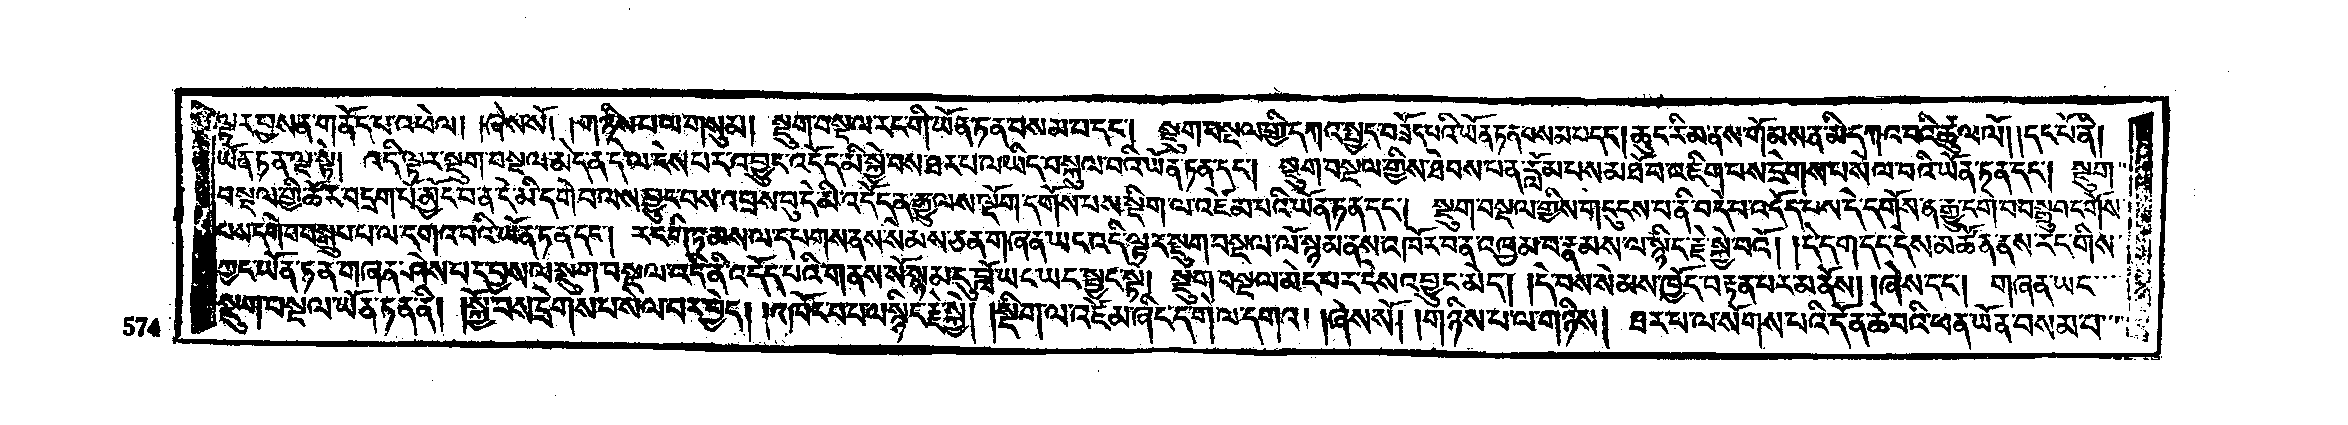ལྟར་བྱས་ན་གནོད་པ་འཕེལ། །ཞེས་སོ། །གཉིས་པ་ལ་གསུམ། སྡུག་བསྔལ་རང་གི་ཡོན་ཏན་བསམ་པ་དང་། སྡུག་བསྔལ་གྱི་དཀའ་སྤྱད་བཟོད་པའི་ཡོན་ཏན་བསམ་པ་དང་། ཆུང་རིམ་ནས་གོམས་ན་མི་དཀའ་བའི་ཚུལ་ལོ། །དང་པོ་ནི།
ཡོན་ཏན་ལྔ་སྟེ། འདི་ལྟར་སྡུག་བསྔལ་མེད་ན་དེ་ལ་ངེས་པར་འབྱུང་འདོད་མི་སྐྱེ་བས་ཐར་པ་ལ་ཡིད་བསྐུལ་བའི་ཡོན་ཏན་དང་། སྡུག་བསྔལ་གྱིས་ཐེབས་པ་ན་རློམ་པས་མཐོ་བ་འཇིག་པས་དྲེགས་པ་སེལ་བའི་ཡོན་ཏན་དང་། སྡུག་
བསྔལ་གྱི་ཚོར་བ་དྲག་པོ་མྱོང་བ་ན་དེ་མི་དགེ་བ་ལས་བྱུང་བས་འབྲས་བུ་དེ་མི་འདོད་ན་རྒྱུ་ལས་ལྡོག་དགོས་པས་སྡིག་ལ་འཛེམ་པའི་ཡོན་ཏན་དང་། སྡུག་བསྔལ་གྱིས་གདུངས་པ་ནི་བདེ་བ་འདོད་པས་དེ་དགོས་ན་རྒྱུ་དགེ་བ་བསྒྲུབ་དགོས་
པས་དགེ་བ་བསྒྲུབ་པ་ལ་དགའ་བའི་ཡོན་ཏན་དང་། རང་གི་ཉམས་ལ་དཔགས་ནས་སེམས་ཅན་གཞན་ཡང་འདི་ལྟར་སྡུག་བསྔལ་ལོ་སྙམ་ནས་འཁོར་བ་ན་འཁྱམ་པ་རྣམས་ལ་སྙིང་རྗེ་སྐྱེ་བའོ། །དེ་དག་དང་དེས་མཚོན་ནས་རང་གིས་
ཀྱང་ཡོན་ཏན་གཞན་ཤེས་པར་བྱས་ལ་སྡུག་བསྔལ་འདི་ནི་འདོད་པའི་གནས་སོ་སྙམ་དུ་བློ་ཡང་ཡང་སྦྱང་སྟེ། སྡུག་བསྔལ་མེད་པར་ངེས་འབྱུང་མེད། །དེ་བས་སེམས་ཁྱོད་བརྟན་པར་མནོས། །ཞེས་དང་། གཞན་ཡང་
སྡུག་བསྔལ་ཡོན་ཏན་ནི། །སྐྱོ་བས་དྲེགས་པ་སེལ་བར་བྱེད། །འཁོར་བ་པ་ལ་སྙིང་རྗེ་སྐྱེ། །སྡིག་ལ་འཛེམ་ཞིང་དགེ་ལ་དགའ། །ཞེས་སོ། །གཉིས་པ་ལ་གཉིས། ཐར་པ་ལ་སོགས་པའི་དོན་ཆེ་བའི་ཕན་ཡོན་བསམ་པ་